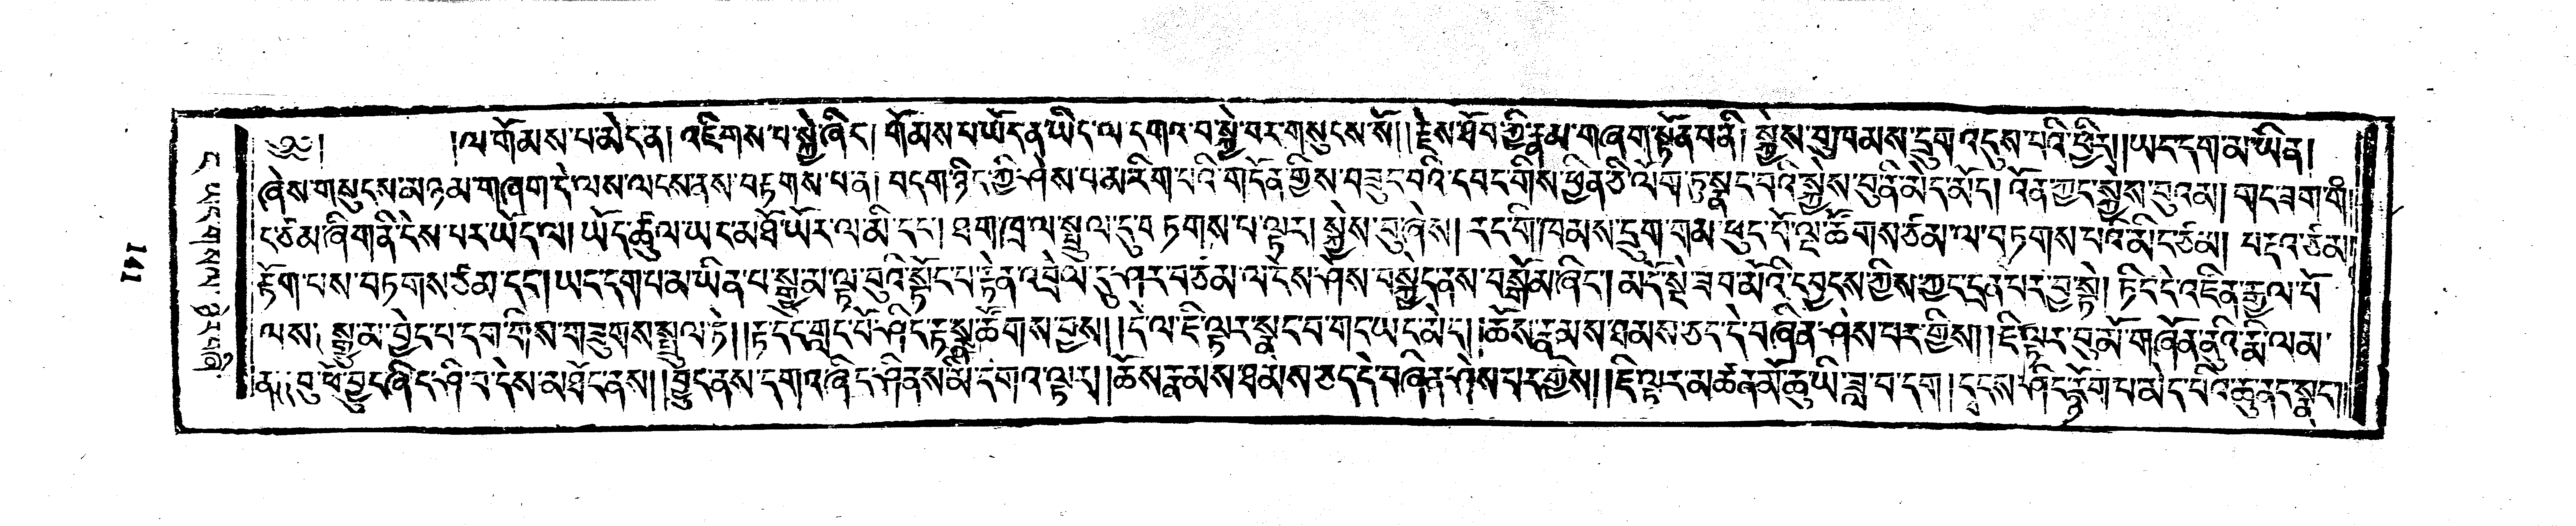༄༅། །ལ་གོམས་པ་མེད་ན། འཇིགས་པ་སྐྱེ་ཞིང་། གོམས་པ་ཡོད་ན་ཡིད་ལ་དགའ་བ་སྐྱེ་བར་གསུངས་སོ། །རྗེས་ཐོབ་ཀྱི་རྣམ་གཞག་སྟོན་པ་ནི། སྐྱེས་པ་ཁམས་དྲུག་འདུས་པའི་ཕྱིར། །ཡང་དག་མ་ཡིན།
ཞེས་གསུངས་མཉམ་གཞག་དེ་ལས་ལངས་ནས་བརྟགས་པ་ན། བདག་ཉིད་ཀྱི་ཤེས་པ་མ་རིག་པའི་གདོན་གྱིས་བཟུང་བའི་དབང་གིས་ཕྱིན་ཅི་ལོག་ཏུ་སྣང་བའི་སྐྱེས་བུ་ནི་མེད་མོད། འོན་ཀྱང་སྐྱེས་བུའམ། གང་ཟག་གཾ།
ང་ཙམ་ཞིག་ནི་ངེས་པར་ཡོད་ལ། ཡོད་ཚུལ་ཡང་མཐོ་ཡོར་ལ་མི་དང་། ཐག་ཁྲ་ལ་སྦྲུལ་དུ་གཏགས་པ་ལྟར། སྐྱེས་བུ་ཞེས། རང་གི་ཁམས་དྲུག་གམ་ཕུང་པོ་ལྔ་ཚོགས་ཙམ་ལ་བཏགས་པའི་མིང་ཙམ། བརྡའ་ཙམ་
རྟོག་པས་བཏགས་ཙམ་དང་། ཡང་དག་པ་མ་ཡིན་པ་སྒྱུ་མ་ལྟ་བུའི་སྟོང་པ་རྟེན་འབྲེལ་དུ་ཤར་བ་ཙམ་ལ་ངེས་ཤེས་བསྐྱེད་ནས་བསྒོམ་ཞིང་། མདོ་སྡེ་ཟབ་མོའི་དབྱངས་ཀྱིས་ཀྱང་དྲན་པར་བྱ་སྟེ། ཏིང་ངེ་འཛིན་རྒྱལ་པོ་
ལས། སྒྱུ་མ་བྱེད་པ་དག་གིས་གཟུགས་སྤྲུལ་ཏེ། །རྟ་དང་གླང་པོ་ཤིང་རྟ་སྣ་ཚོགས་བྱས། །དེ་ལ་ཇི་ལྟར་སྣང་བ་གང་ཡང་མེད། །ཆོས་རྣམས་ཐམས་ཅད་དེ་བཞིན་ཤེས་པར་གྱིས། །ཇི་ལྟར་བུ་མོ་གཞོན་ནུའི་རྨི་ལམ་
ན། །བུ་ཕོ་བྱུང་ཞིང་ཤི་བ་ངེས་མཐོང་ནས། །བྱུང་ནས་དགའ་ཞིང་ཤི་ནས་མ་དགའ་ལྟར། །ཆོས་རྣམས་ཐམས་ཅད་དེ་བཞིན་ཤེས་པར་གྱིས། །ཇི་ལྟར་མཚན་མོ་ཆུ་ཡི་ཟླ་བ་དག །དྭངས་ཤིང་རྙོག་པ་མེད་པའི་ཆུ་ནང་སྣང།།